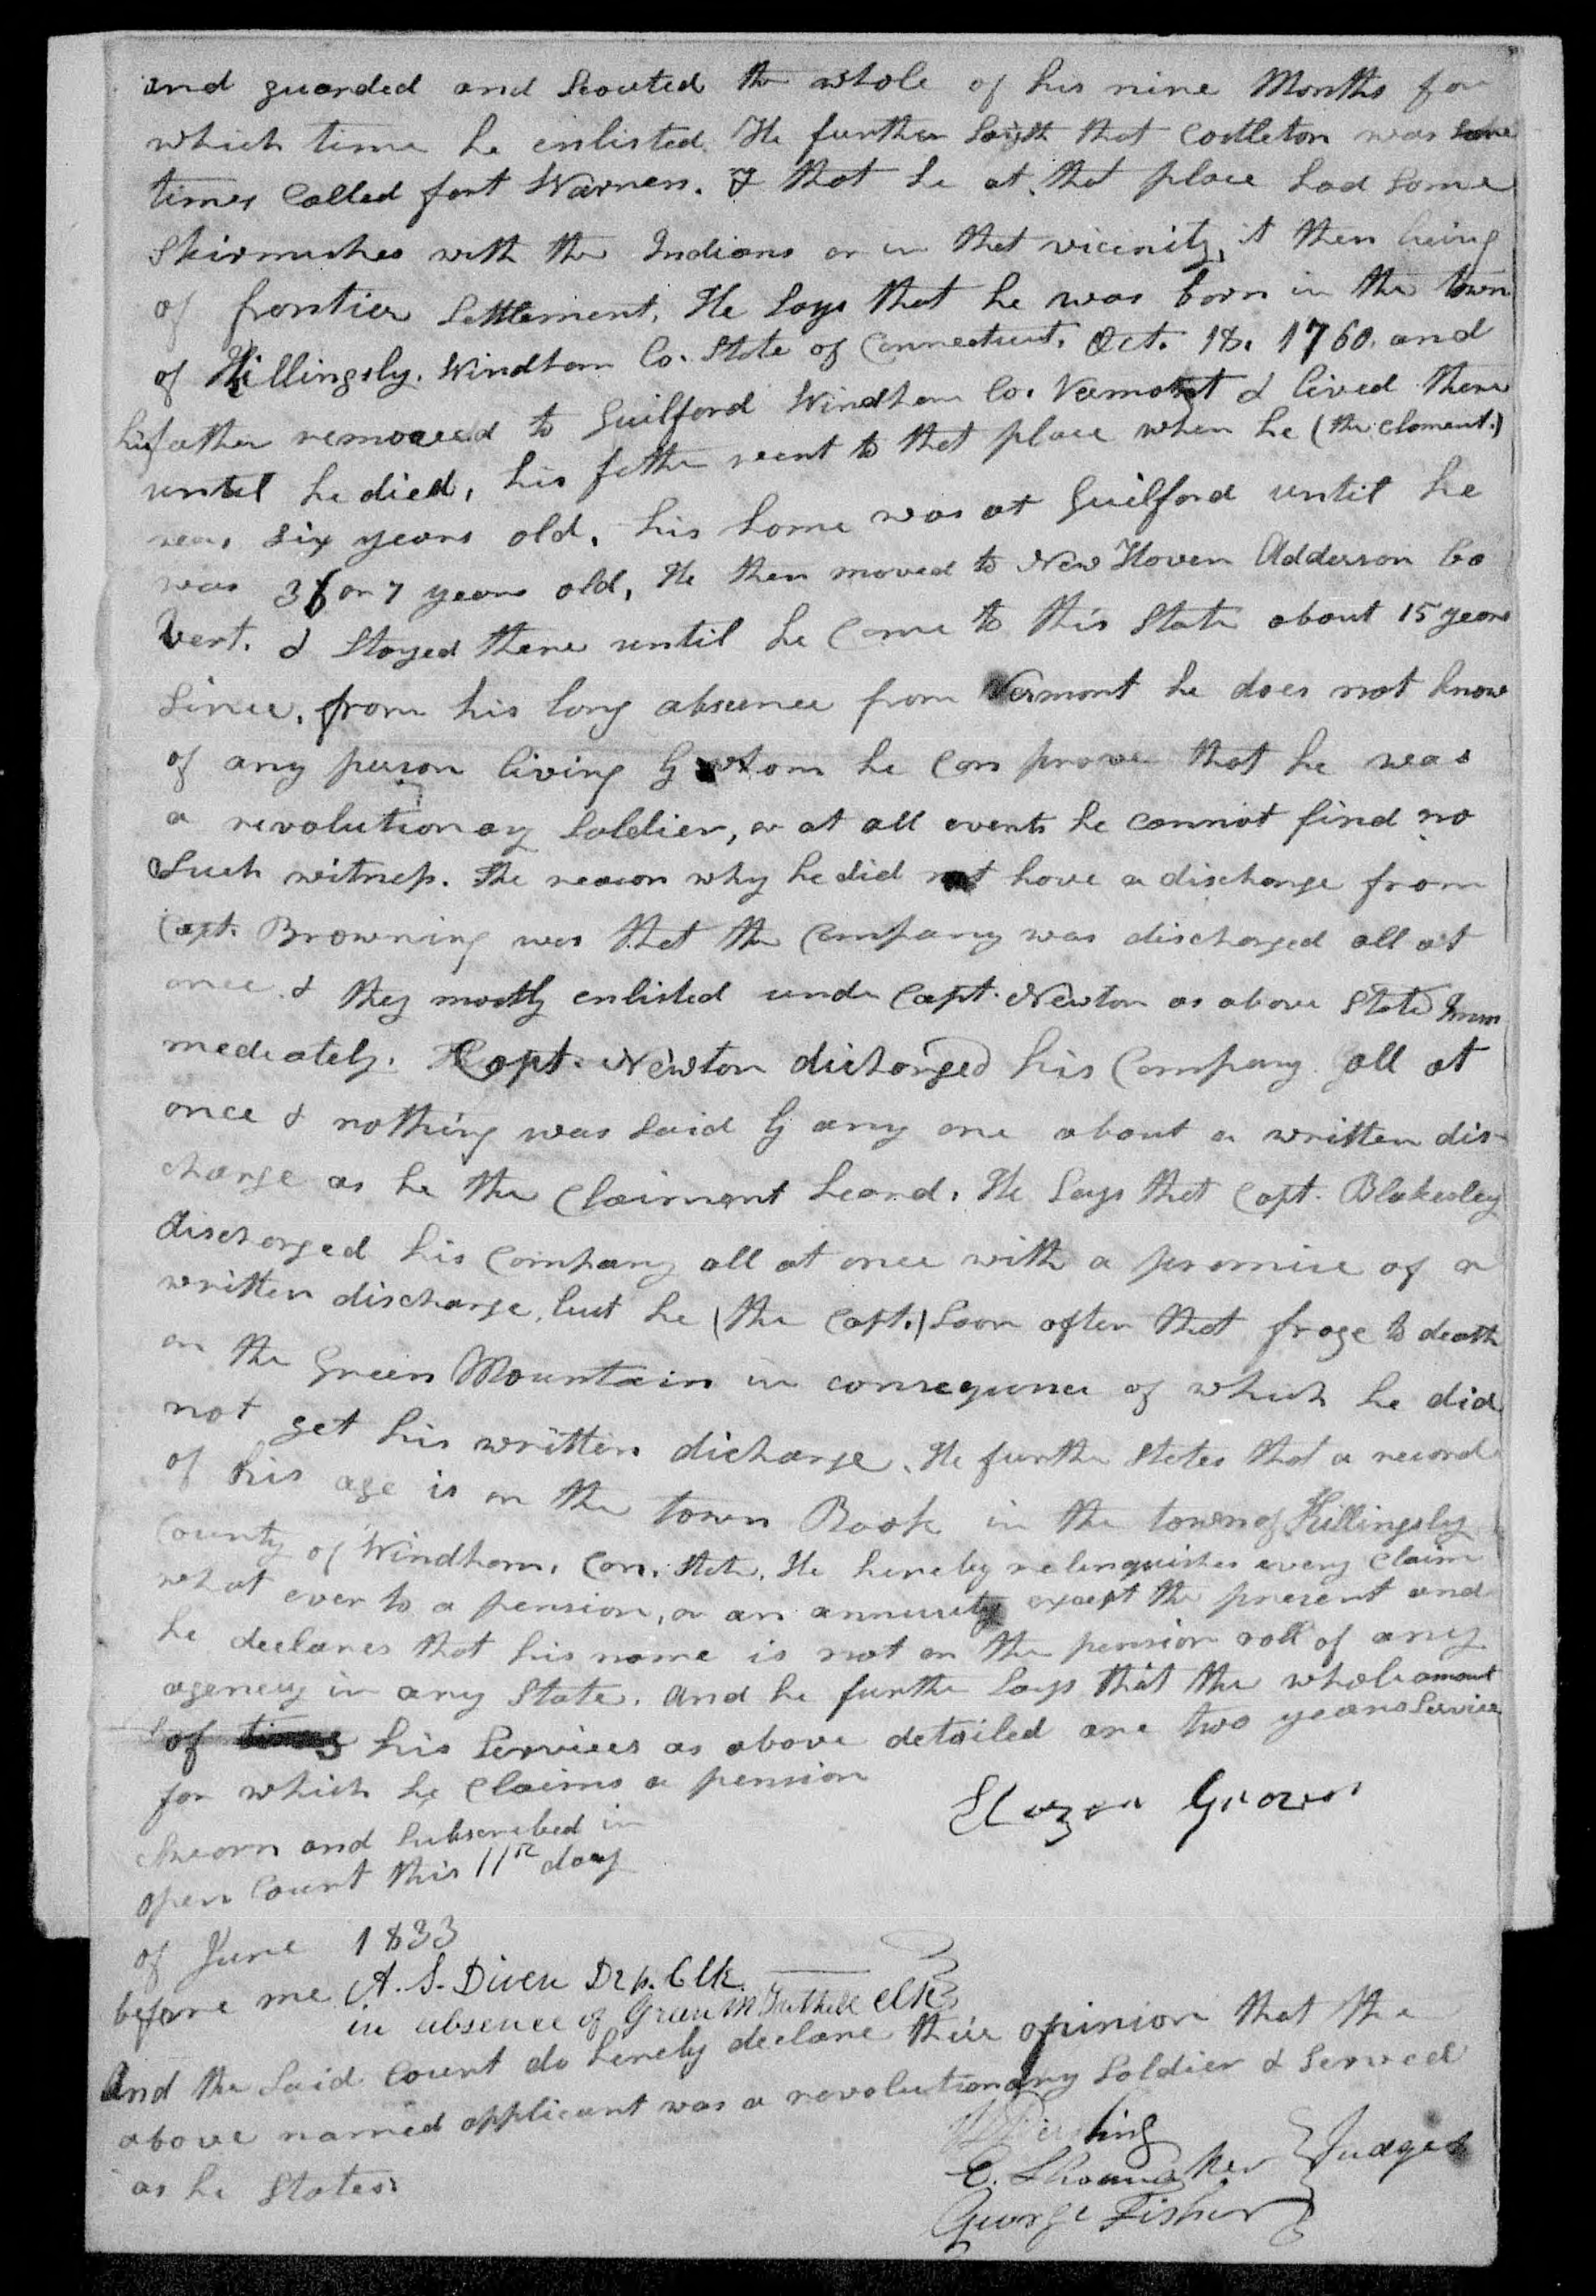and guarded and scouted the whole of the nine Months for which time he enlisted. He further sayeth that Castleton was some times called fort Warren. & that he at that place had some skirmishes with the Indians or in that vicinity, it then being of frontier settlement. He says that he was born in the town of Killingly, Windham Co. State of Connecticut, Oct. 18, 1760, and his father removed to Guilford Windham Co. Vermont & lived there until he died, his father went to that place when he (the claimant.) was six years old, his home was at Guilford until he was 36 or 7 years old, He then moved to New Haven Adderson (Addison) Co Vert. & stayed there until he came to this state about 15 years since. from his long absence from Vermont he does not know of any person living & whom he can prove that he was a revolutionary soldier, or at all events he cannot find no such witness. The reason why he did not have a discharge from Capt. Browning was that the Company was discharged all at once, & they mostly enlisted under Capt. Newton as above stated immediately. Capt. Newton discharged his Company all at once & nothing was said by any one about a written discharge as he the claimant heard. He says that Capt. Blakesley discharged his company all at once with a promise of a written discharge, but he (the Capt.) soon after that froze to death on the Green Mountain in consequence of which he did not get his written discharge. He further states that a record of his age is in the town Book in the town of Killingly County of Windham, Con. state. He hereby relinquishes every claim what ever to a pension, or an annuity except the present and he declares that his name is not on the pension roll of any agency in any State. And he further says that the whole amount of ['time' crossed out] his services as above detailed are two years service for which he claims a pension
/s/Eleazer Grover
Sworn and Subscribed in open Court this 11th day of June 1833 before me
/s/A. S. Diven Dep. Clk. in absence of Green M. Tuthill clk
And the said Court do hereby declare their opinion that the above named applicant was a revolutionary Soldier & served as he states
/s/H Dashins }
/s/E. Shoemaker }
/s/George Fisher } Judges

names: Newton, George Fisher, Newton, Browning, Blakesley, A S Diven, Green M Tuthill, Elazer Grover, E Shomaker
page: 4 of 43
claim: survivor's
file: S. 28748, Eleazer Grover, Continental Mass. Vt.